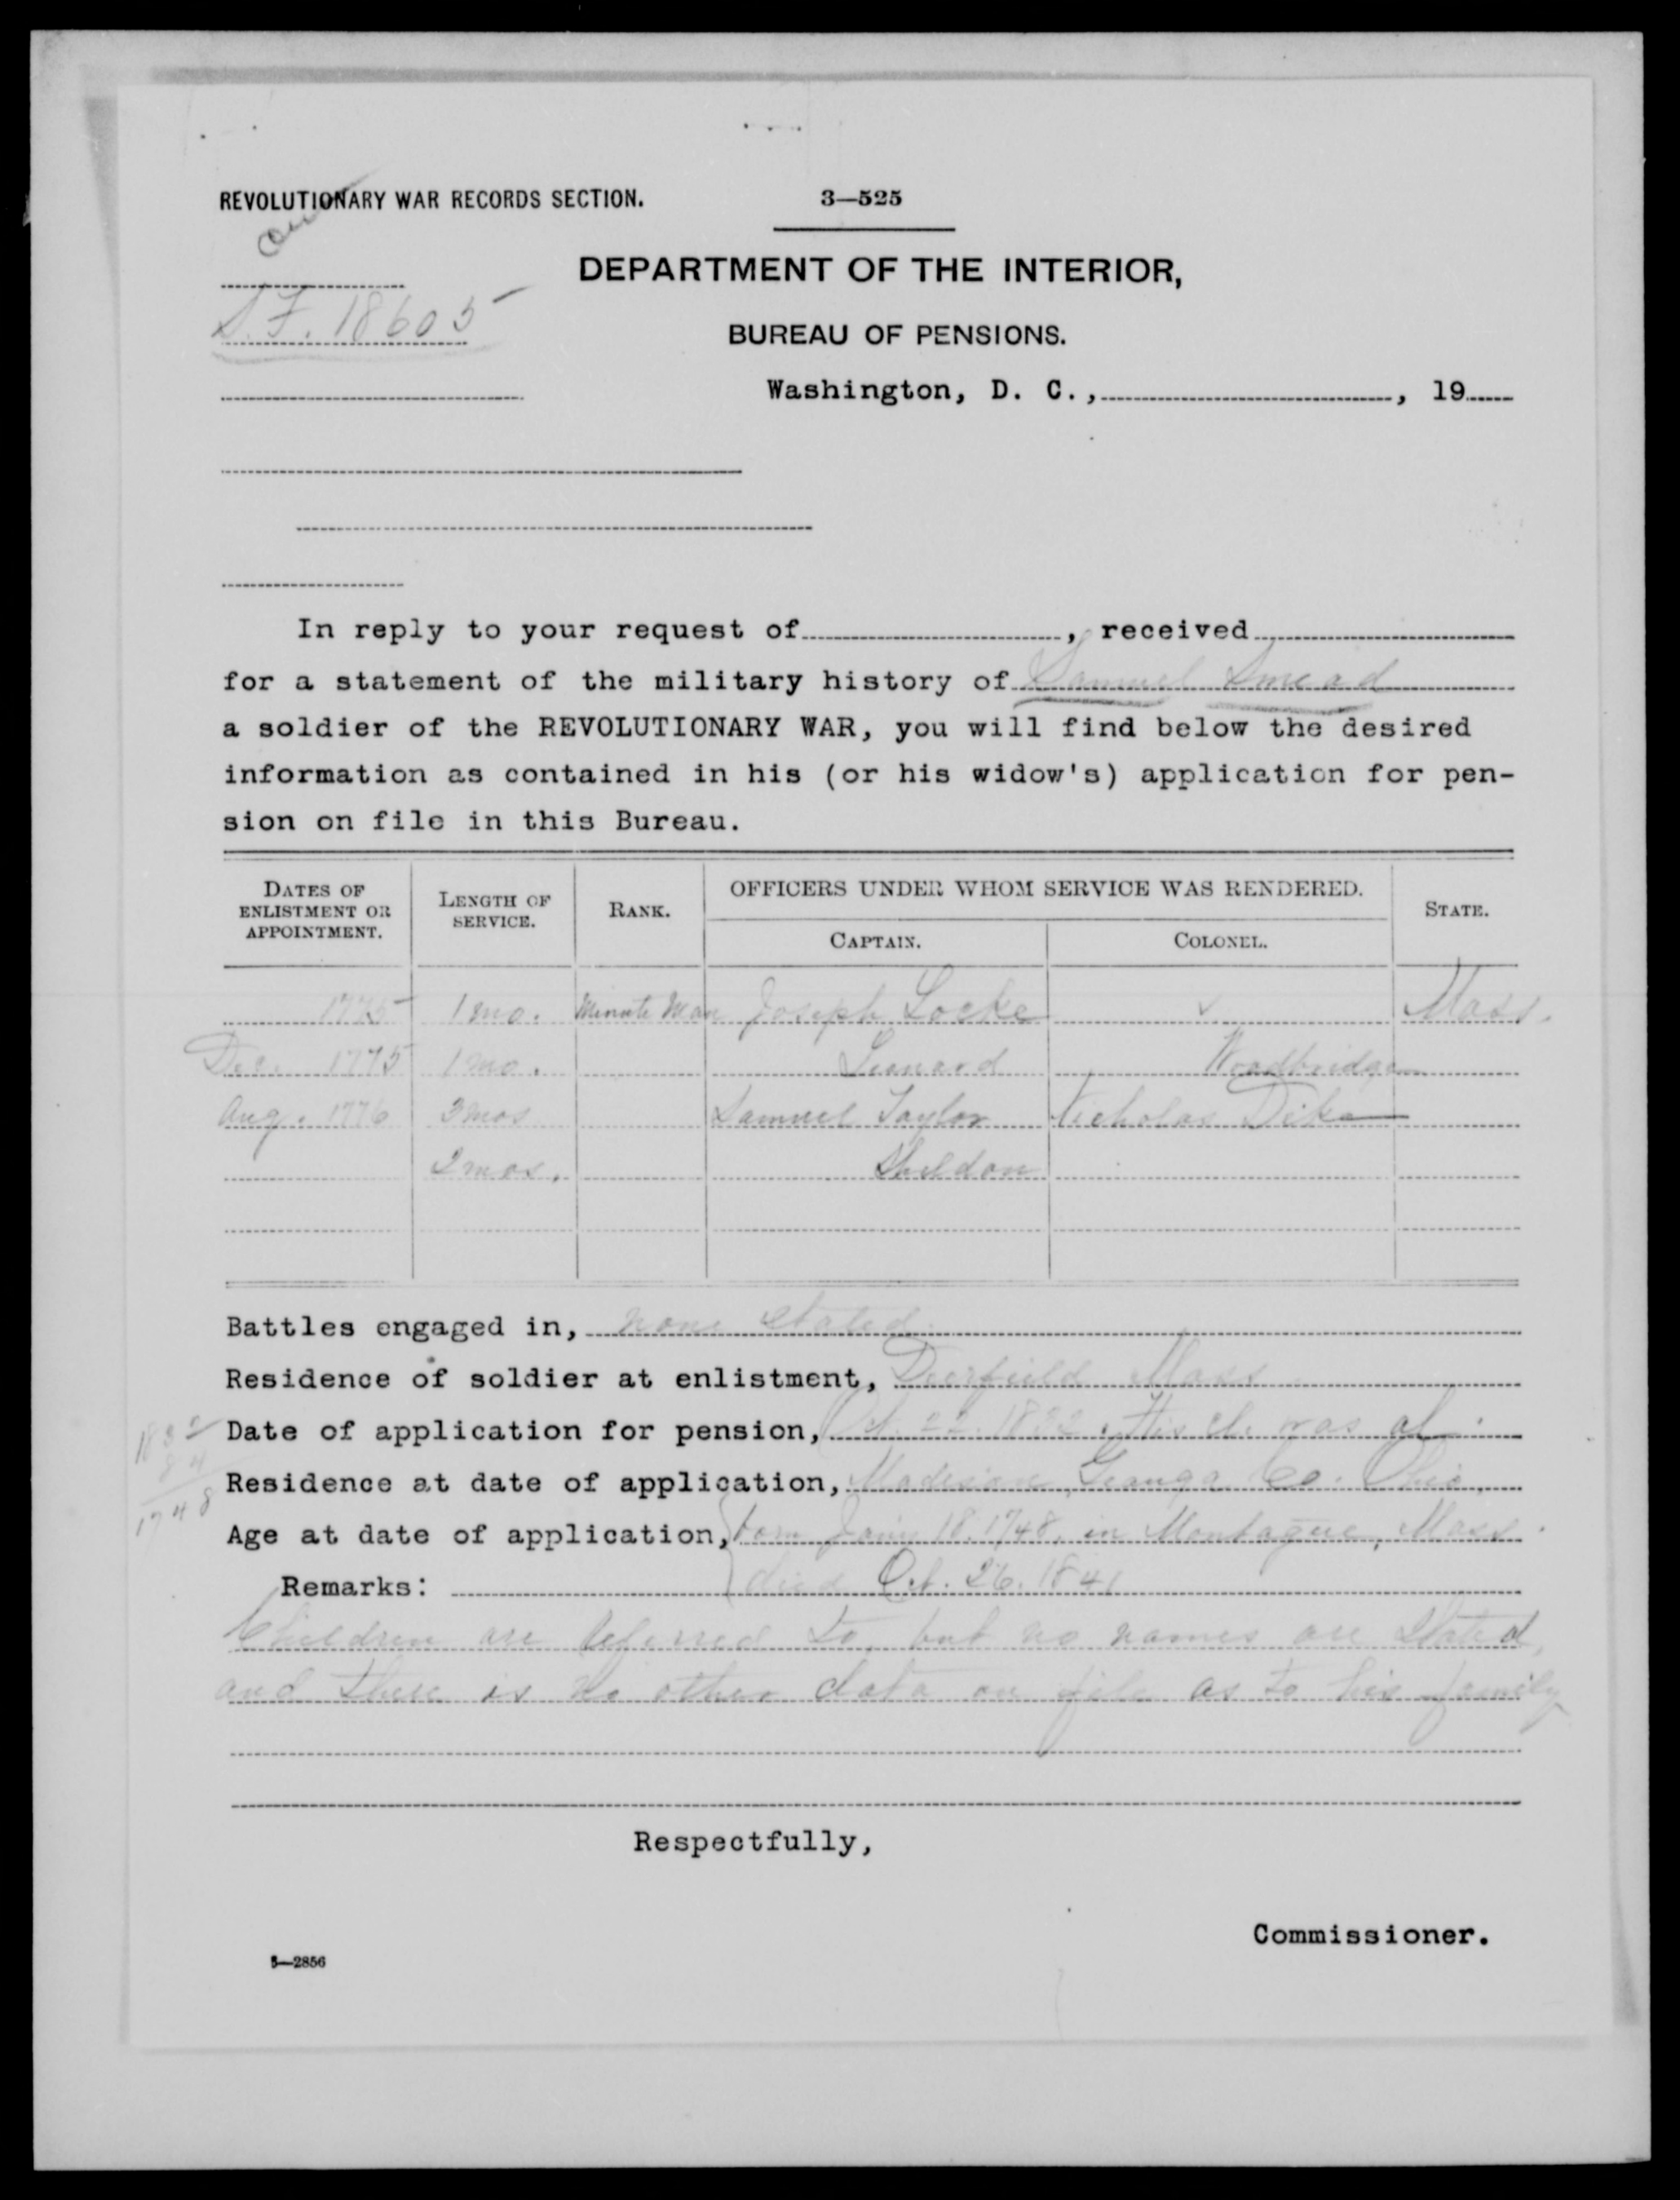REVOLUTIONARY WAR RECORDS SECTION. - DEPARTMENT OF THE INTERIOR. BUREAU OF PENSIONS. Washington, D. C., 19 
S.F.18605

In reply to your request of____ received____  a statement of the military history of Samuel Snead, a soldier  of the REVOLUTIONARY WAR, you will find below the desired information as contained in his (or his widow's) application for pension on file in this Bureau. 

[table headings]DATES OF ENLISTMENT OR APPOINTMENT. | LENGTH OF SERVICE. | RANK. | OFFICERS UNDER WHOM SERVICE WAS RENDERED. CAPTAIN. | COLONEL. | STATE. 
[row 1] 1775 | 1 mo. | Minute Man | Joseph Locke | [checkmark] | Mass.
[row 2] Dec 1775 | 1 mo. | [blank] | Leonard | Woodbridge  | [blank]
[row 3] Aug. 1776 | 3 mos | Samuel Taylor | Nicholas Dike  | [blank]
[row 4]  [blank] | 2 mos  | [blank] | Sheldon  | [blank] | [blank]

Battles engaged in, none state
Residence of soldier at enlistment, Deerfield Mass
Date of application for pension, October. 22, 1832 this cl. was al.
Residence at date of application, Madison, Geauga Co., Ohio
Age at date of application, born Jany 18 1748 in Montague, Mass. Died Oct. 26 1841
Remarks: No Children in referred to, but as names are stated and there is no other data on file as to his family --
Respectfully, Commissioner.
 2356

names: [BLANK] Woodbridge; [BLANK] Sheldon; Samuel Smead; [BLANK] Leonard; Samuel Taylor; Nicholas Dike; Joseph Locke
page: 10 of 18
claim: survivor's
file: S. 18,605, for Samuel Smead, Massachusetts